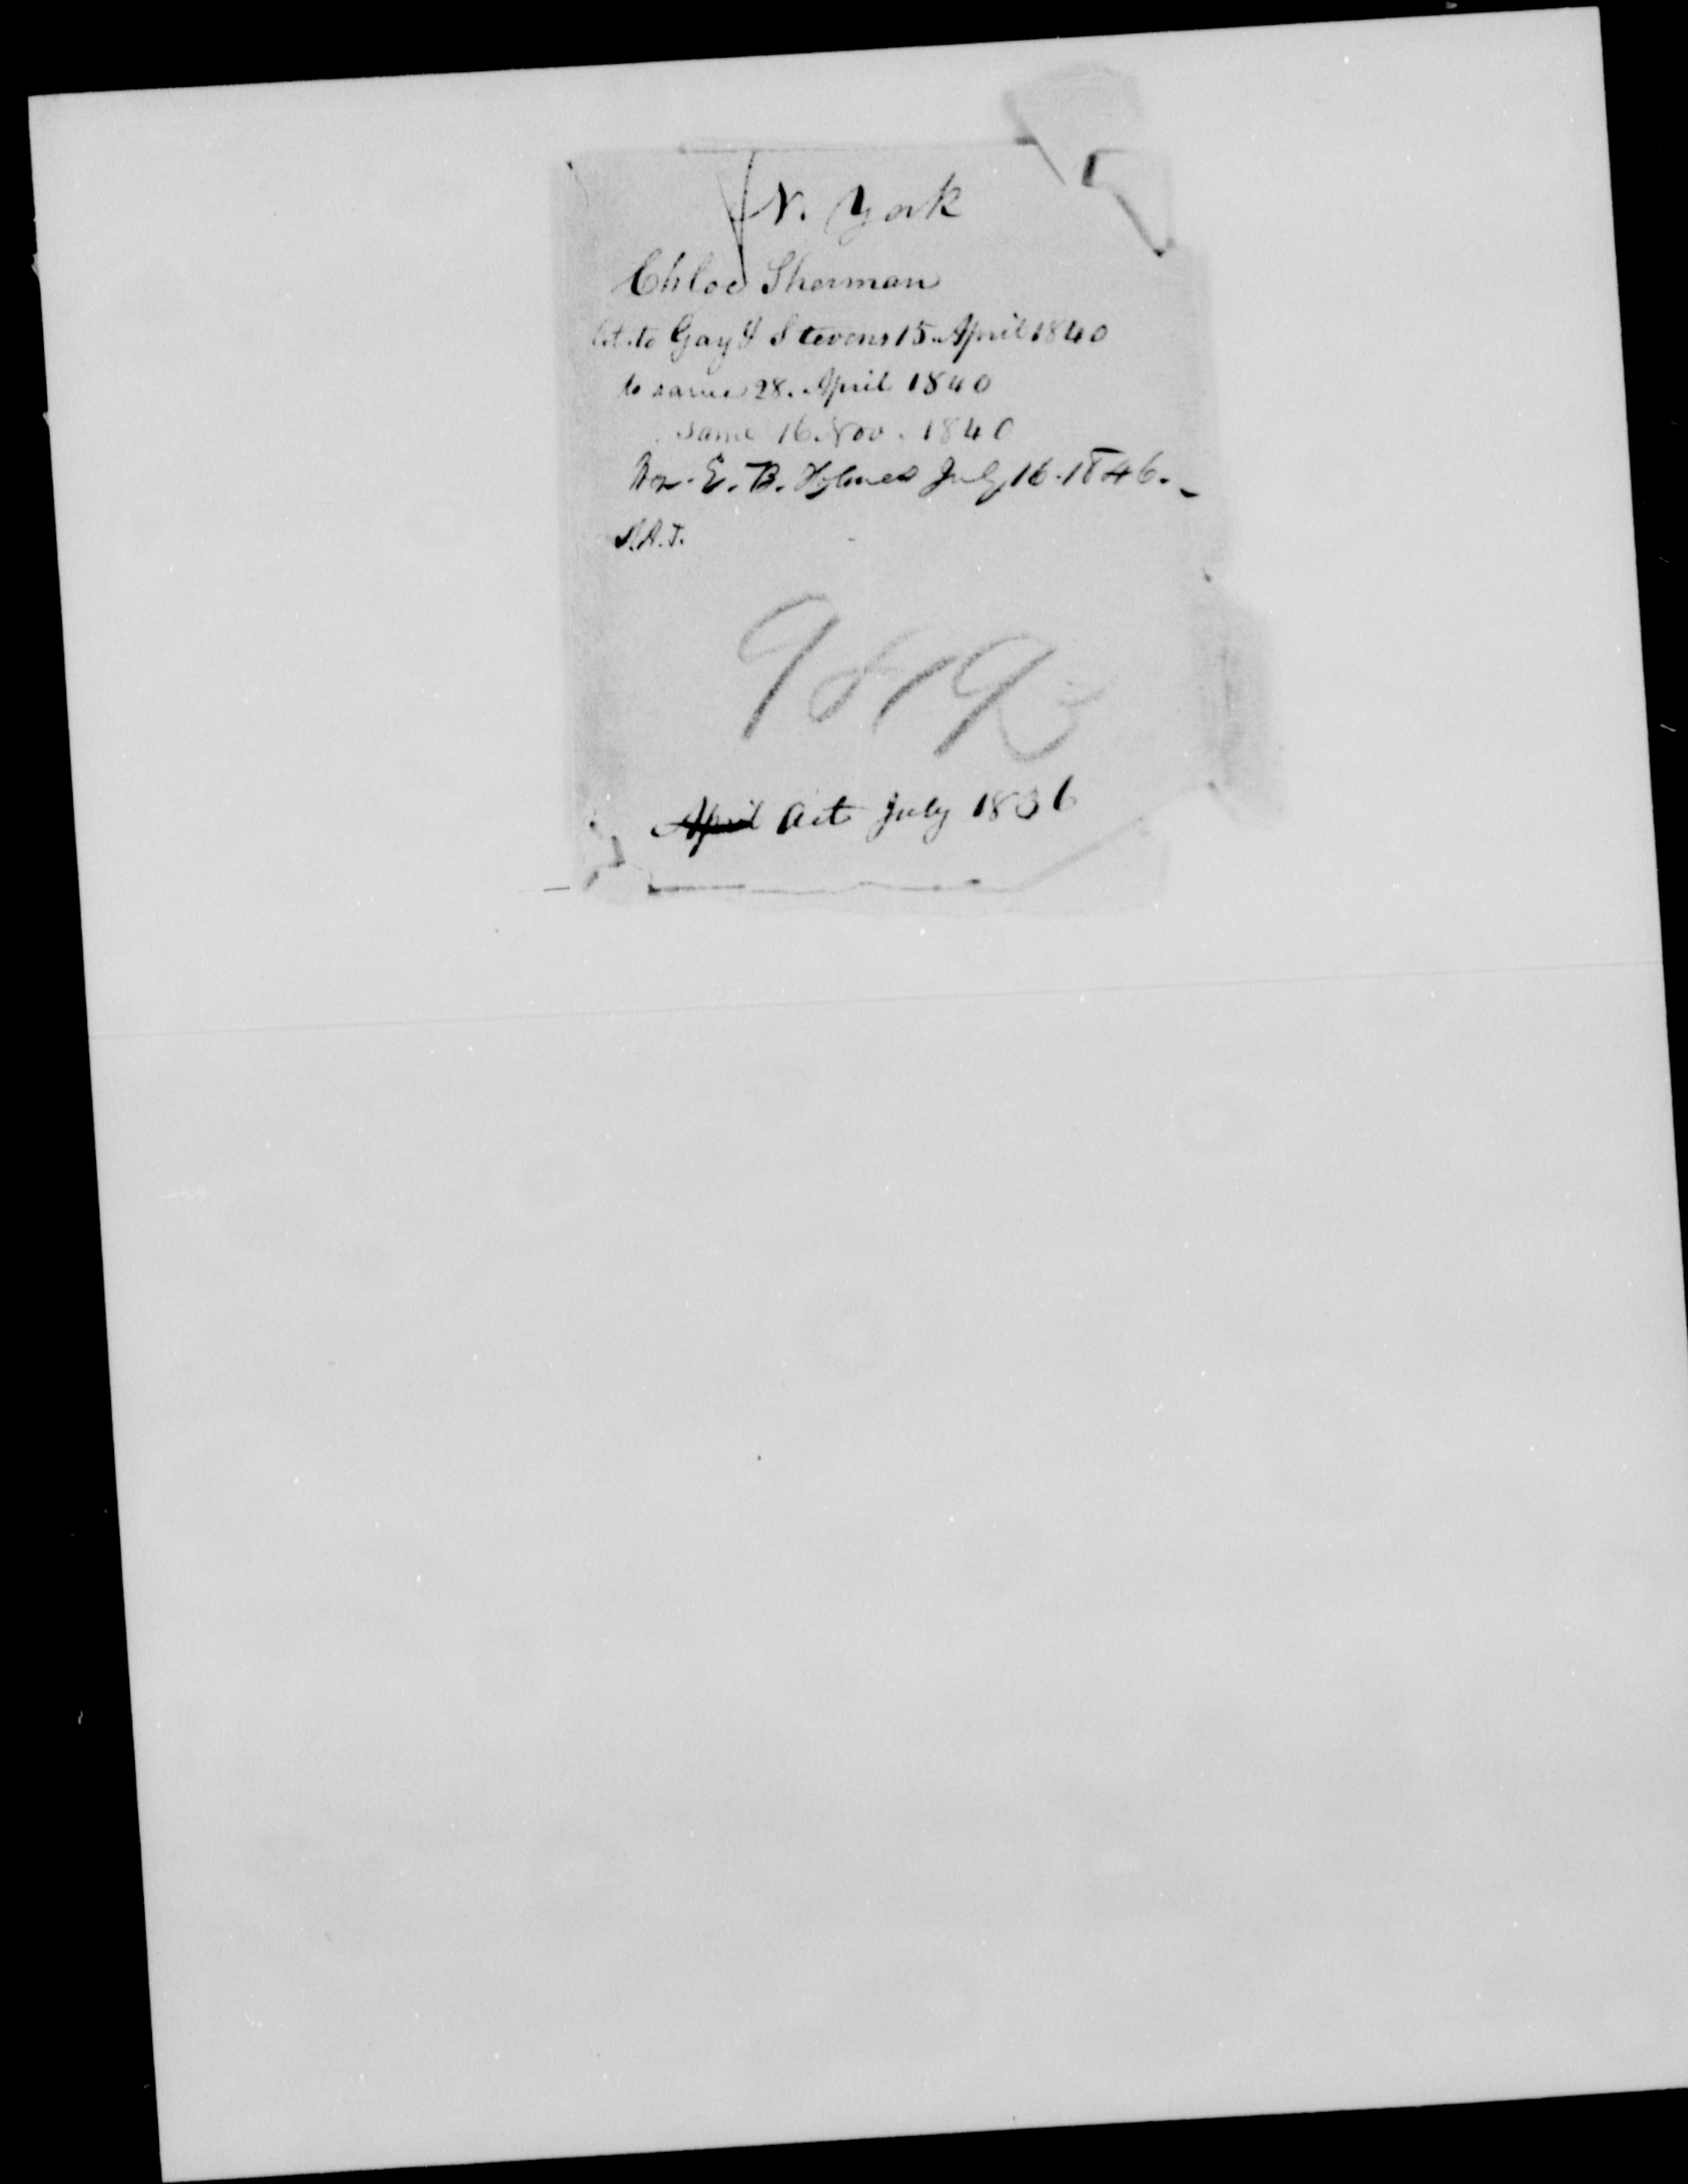N. York
Chloe Sherman
to Gay I Stevens 15 April 1840
same 28. April 1840
Same 16. Nov. 1840
Hon. E.B. lines July 16. 1846.
April Act July 1836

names: Chloe Sherman; [BLANK] Gay; E B Holmes; [BLANK] Stevens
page: 25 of 52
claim: rejected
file: R. 9493, for George Sherman, Vermont